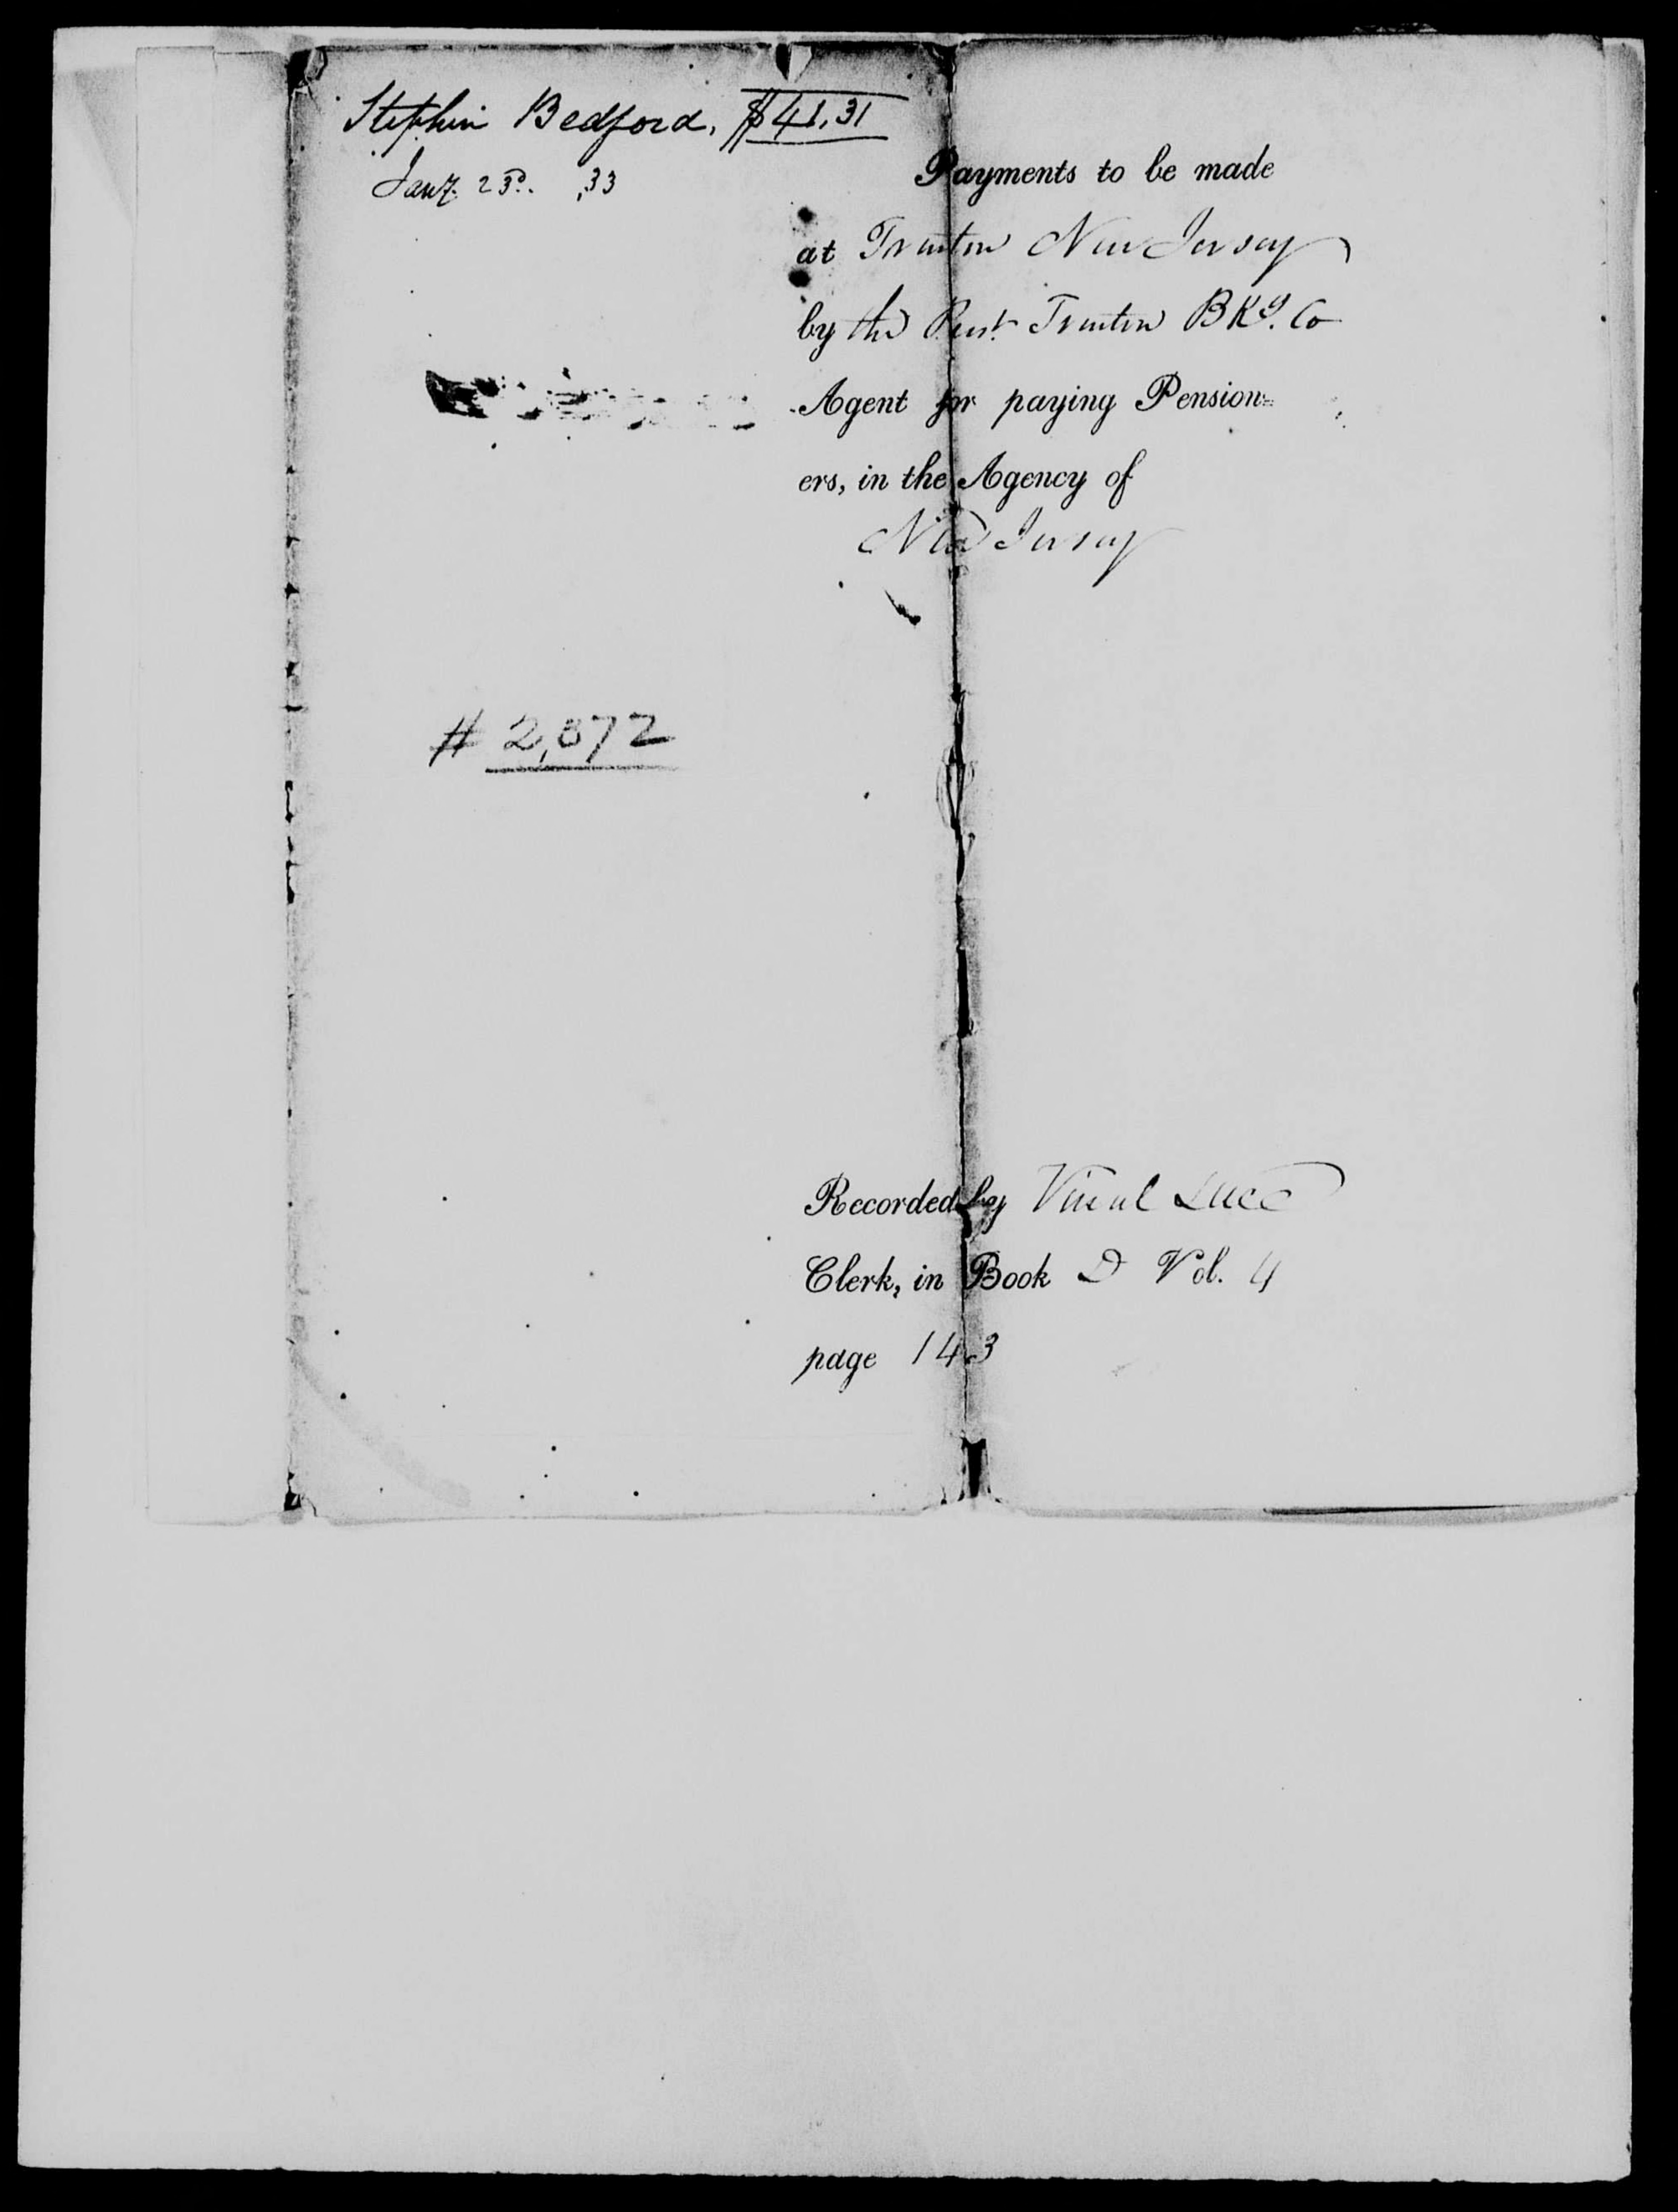Stephen Bedford, $41.31
Jany 23d ,33 Payments to be made
at Trenton New Jersey
by the [Prest?]] Trenton Bkg. [Banking] Co
Agent for paying Pensioners,
in the Agency of
New Jersey
#2,372
Recorded by Vinal Luce
Clerk, in Book D Vol. 4
page 143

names: Stephen Bedford, Vinal Luce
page: 24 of 31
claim: survivor's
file: S. 2372, Stephen Bedford, New Jersey